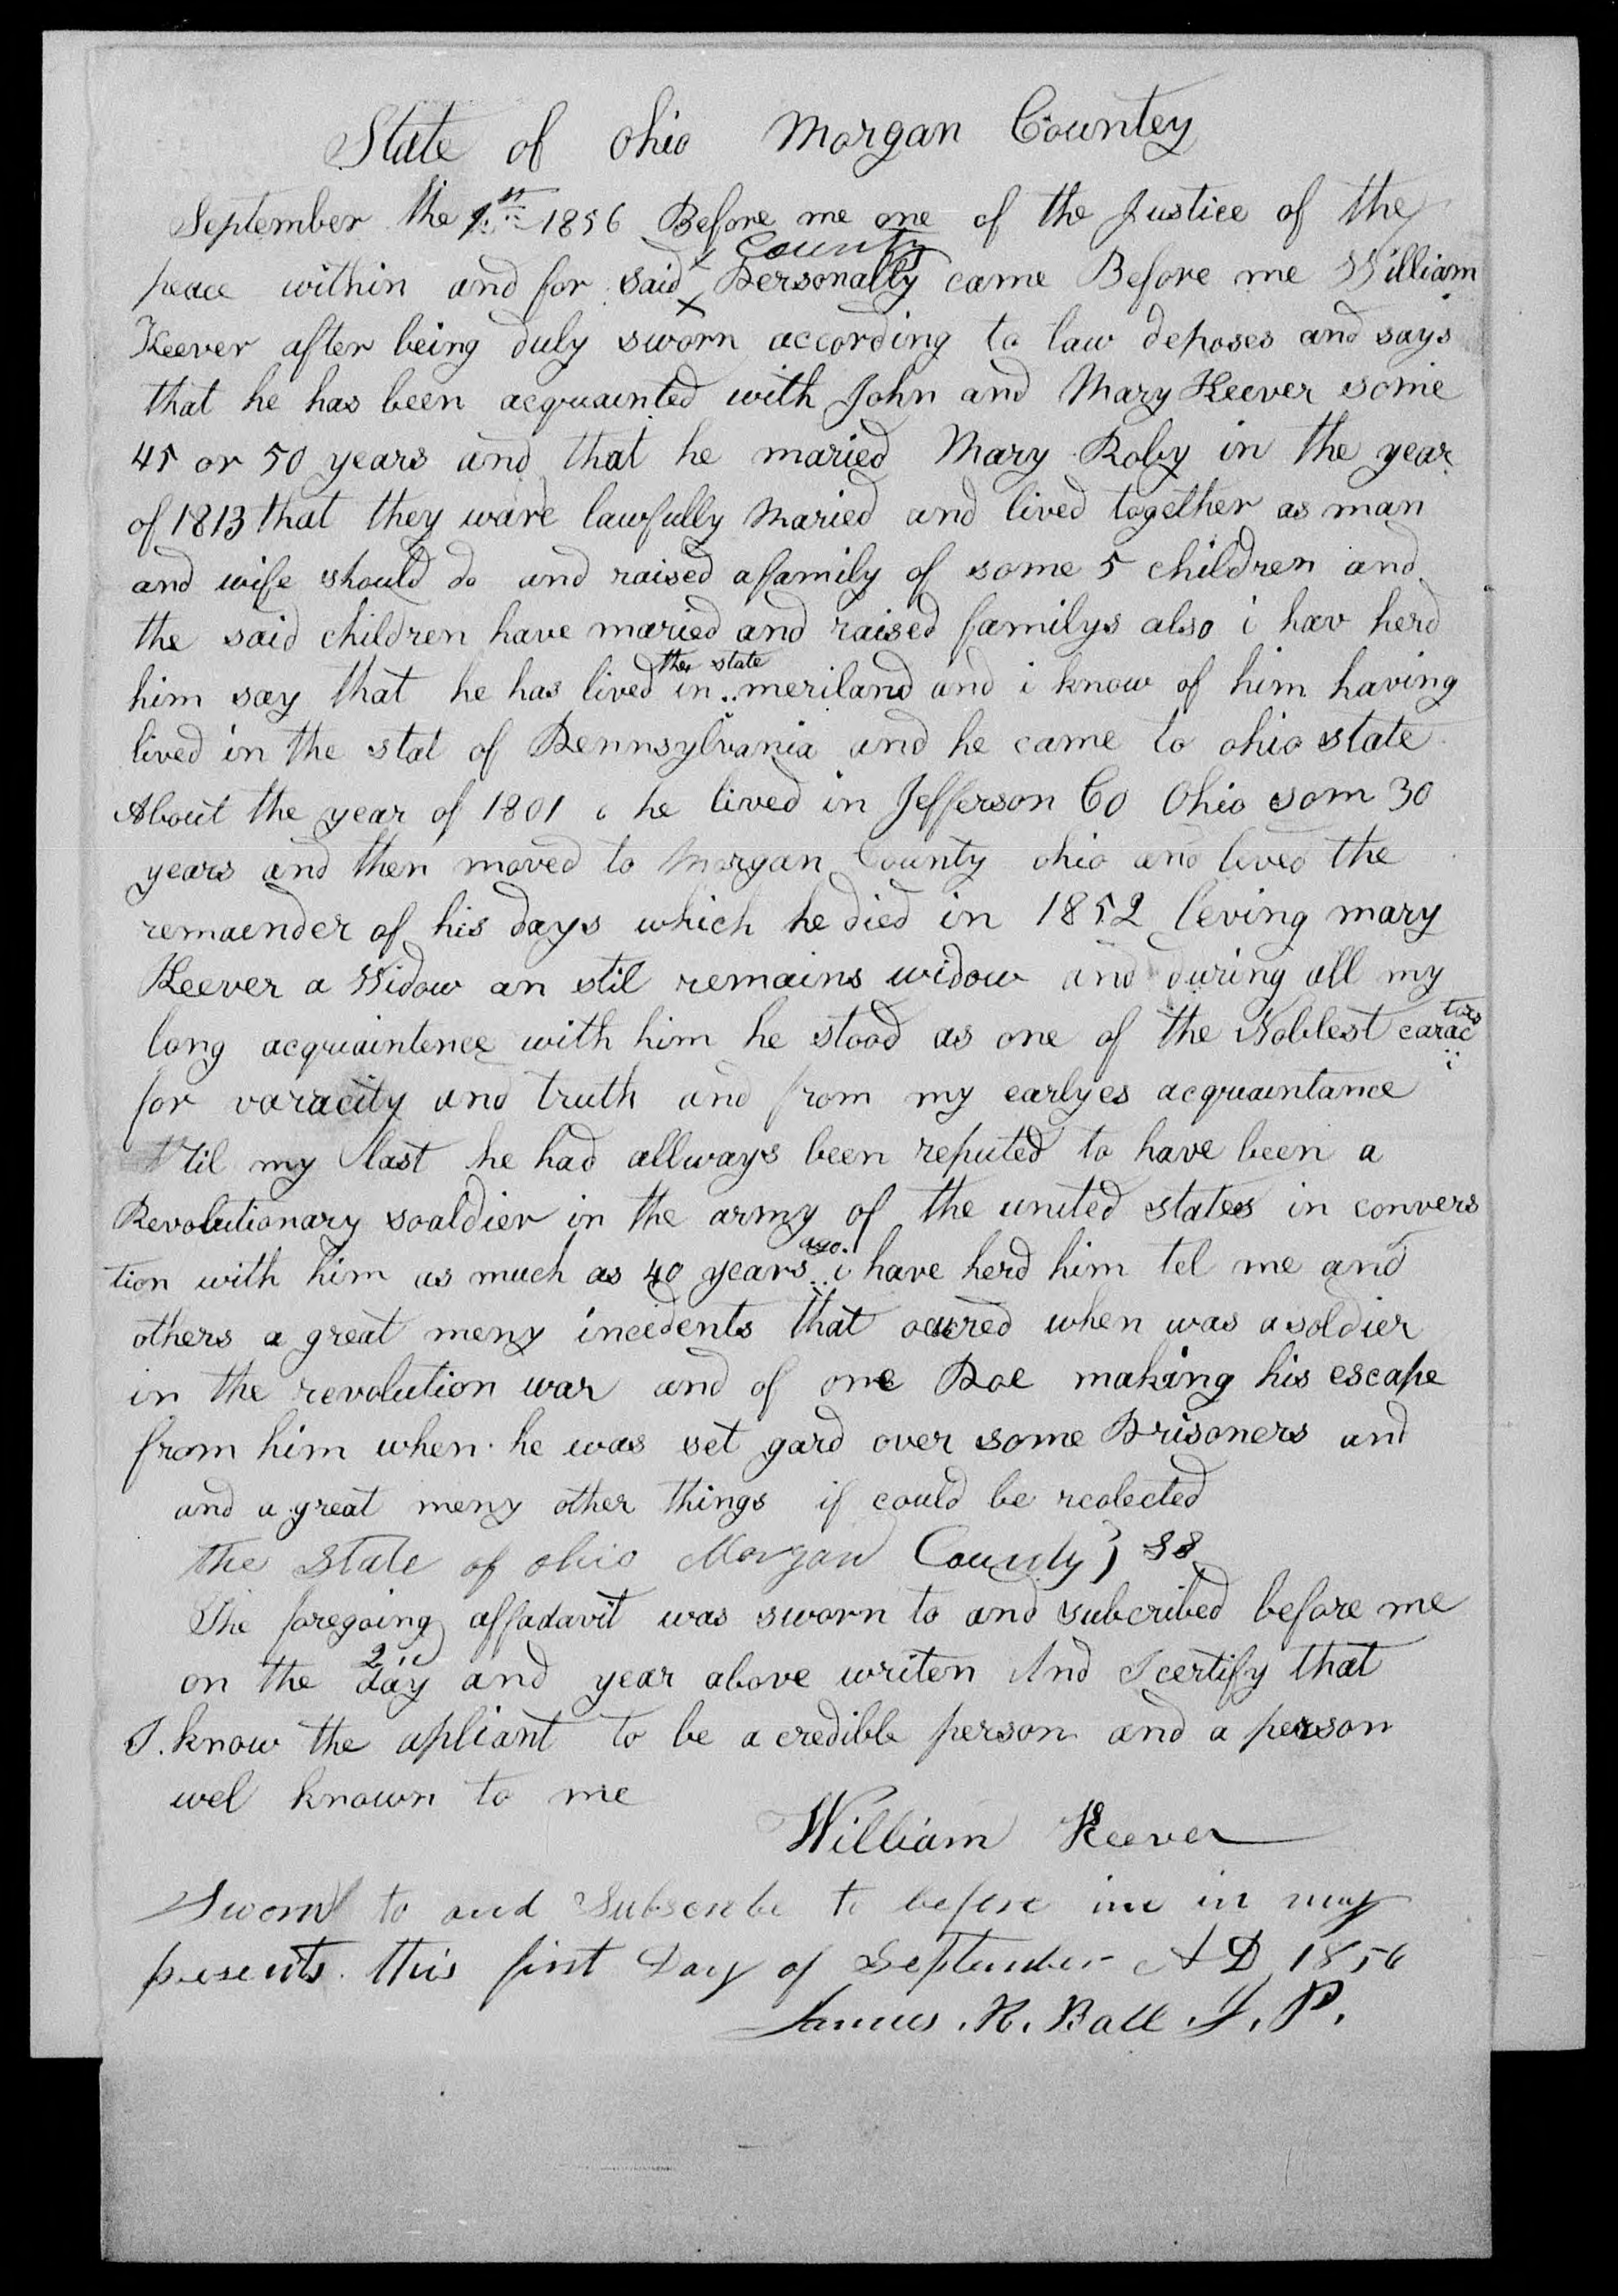Ohio of State Morgan Countey 
September the 1st 1856 Before me one of the Justice of the 
peace within and for said County personally came Before me William 
Keever after being duly sworn according to law deposes and says 
that he has been acquainted with John and Mary Keever some 
40 or 50 years and that he maried [married] Mary Roby in the year 
of 1813 that they ware lawfully maried and lived together as man 
and wife should do and raised a family of some 5 children and 
the said children have married and raised familys also i have herd 
him say that he has lived the in the state meriland [Maryland] and I know of him having 
lived in the stat of Pennsylvania and he came to Ohio State 
About the year of 1801, he lived in Jefferson Co Ohio som 30 
years and then moved to Morgan County Ohio and lived the 
remainder of his days which he died in 1852 leving mary
Keever a widow an stil remains widow and during all my 
long acquaintence with him he stood as one of the Noblest caracters [characters] 
for varacity [veracity] and truth and from my earlyes acquaintance 
til my last he had allways been reputed to have been a 
Revolutionary soaldier [soldier] in the army of the United States in conversation 
with him as much as 40 years ago i have herd him tel me and 
others a great meny incidents that acured [occurred] when was a soldier 
in the revolution war and of one Poe making his escape 
from him when he was set gard over some prisoners and 
and a great meny other things if could be recolected 
the State of Ohio Morgan County ⎬ SS 
The foregoing affadavit was sworn to and subscribed before me 
on the 2nd day and year above writen and I certify that 
I know the afliant [affiant] to be a credible person and a person 
wel known to me 
William Keever 
Sworn to and subscribe to before me in my 
presents this first Day of September AD 1856 
James R. Ball J. P.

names: Mary Raby; William Keever; John Keever; James R Ball; Mary Keever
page: 8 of 33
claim: rejected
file: R. 5814, for John Keever, Maryland